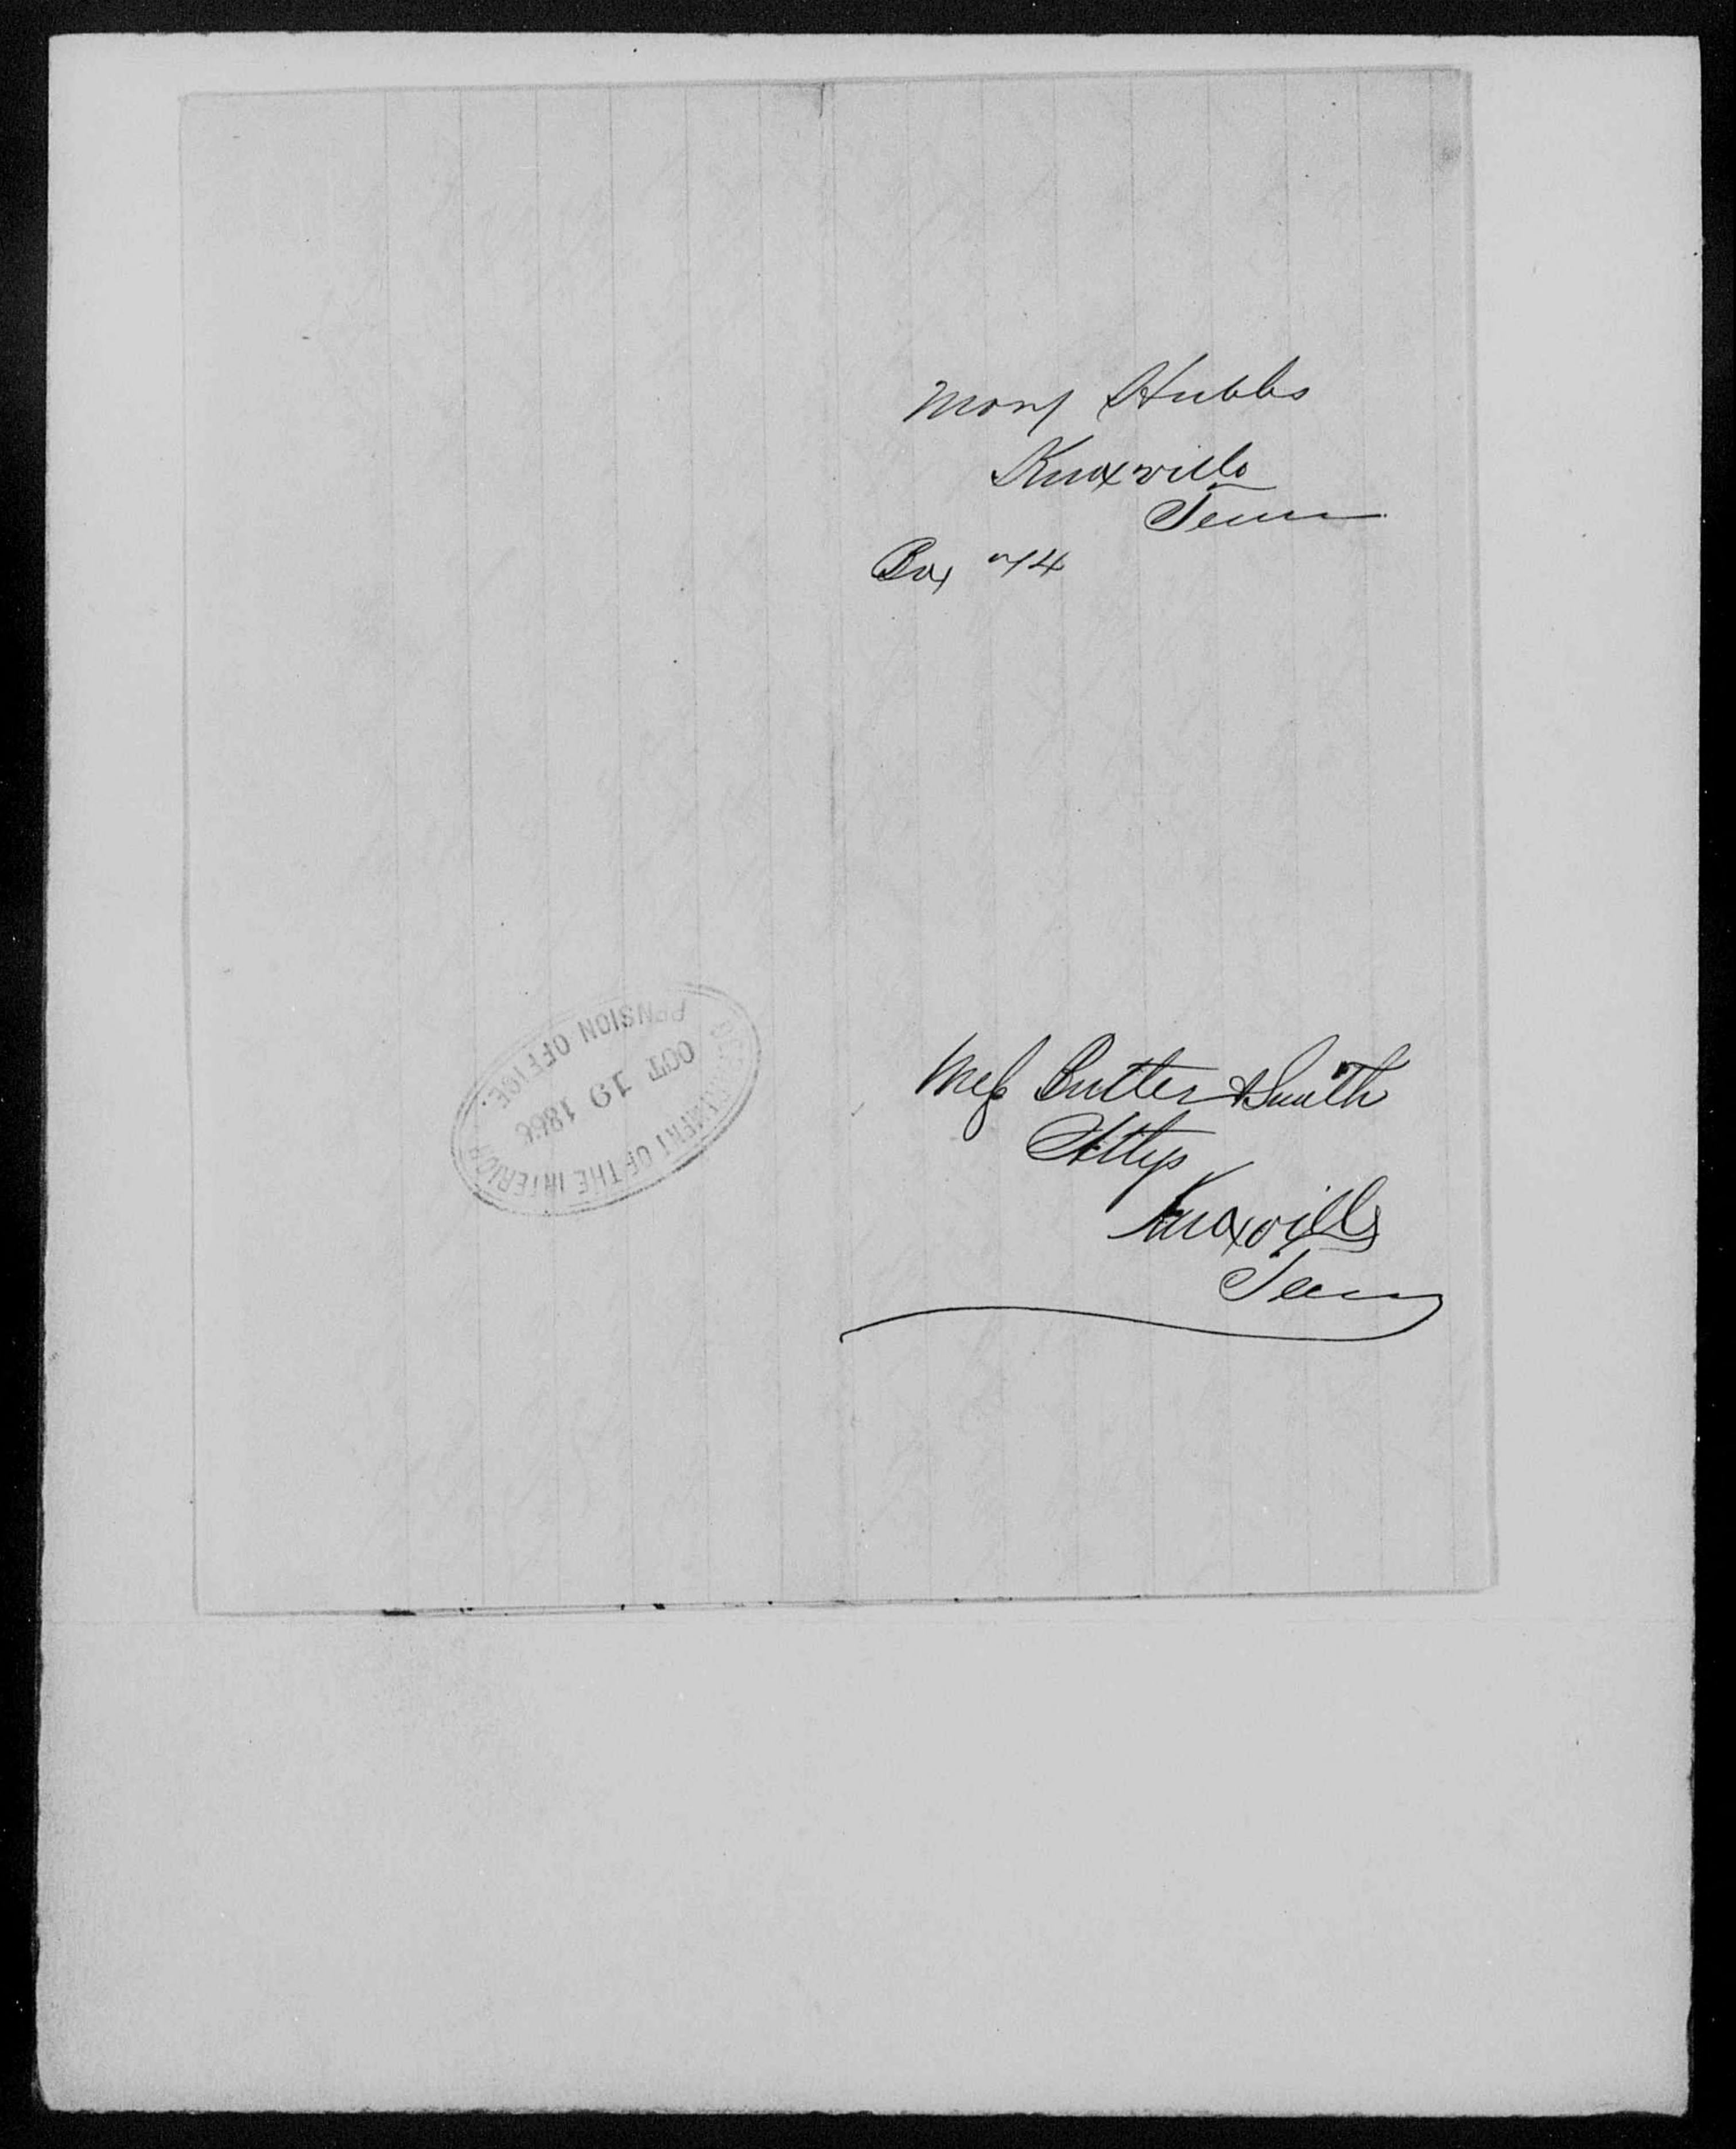Mary Hubbs
Knoxville
Tenn
Box 74

stamp
DEPARTMENT OF THE INTERIOR
Oct 19 1866
PENSION OFFICE

[illegible] Butler Smith
Atty
Knoxville
Tenn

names: Smith, Butler, Mary Hubbs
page: 82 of 86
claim: widow's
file: W. 1035, John Hubbs, S.C.